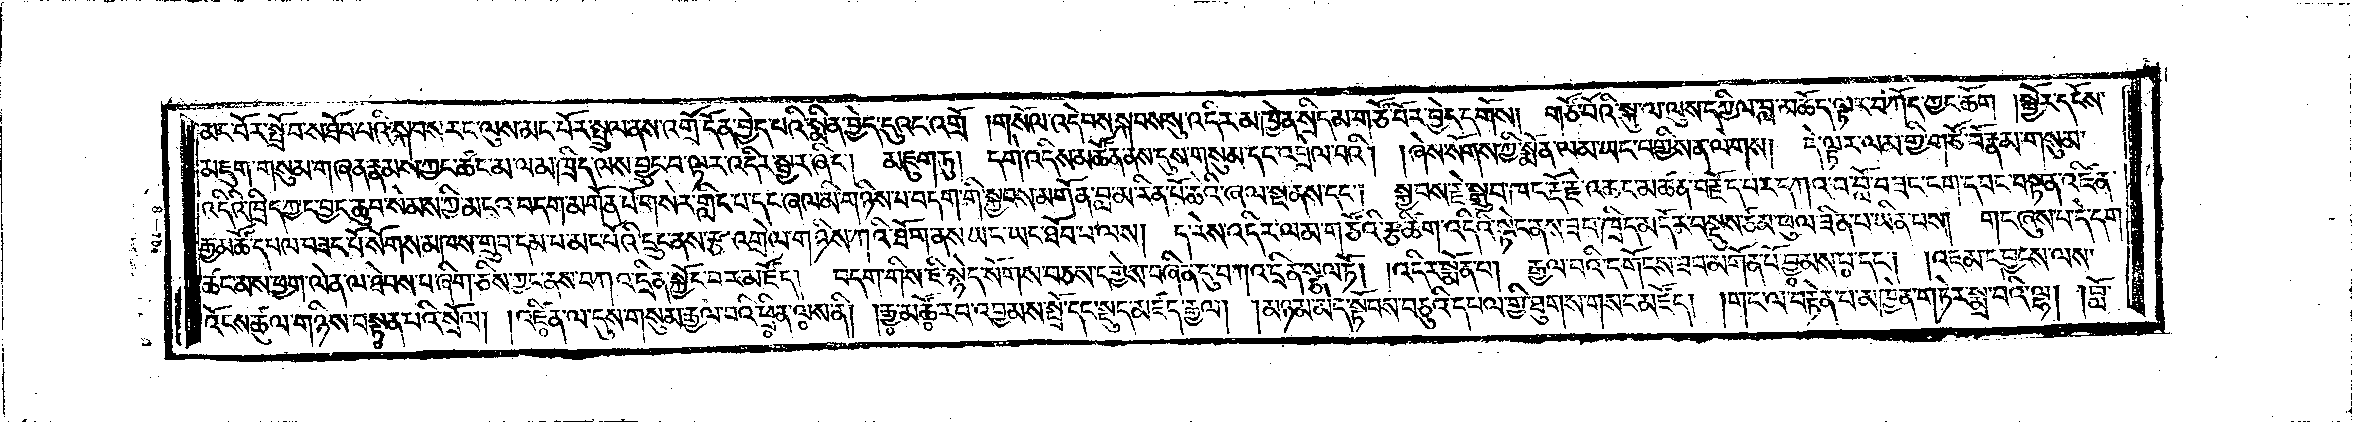མང་པོར་སྤྲོ་བ་ས་ཐོབ་པའི་སྐབས་རང་ལུས་མང་པོར་སྤྲུལ་ནས་འགྲོ་དོན་བྱེད་པའི་སྨིན་བྱེད་དུའང་འགྲོ། །གསོལ་འདེབས་སྐབས་སུ་འདིར་མཁྱེན་སྲིད་མ་གཙོ་བོར་བྱེད་དགོས། གཙོ་བོའི་སྐུ་ལ་ལུས་དཀྱིལ་བླ་མཆོད་ལྟར་བཀོད་ཀྱང་ཆོག །སྦྱོར་དངོས་
མཇུག་གསུམ་གཞན་རྣམས་ཀྱང་ཚང་མ་ལམ་ཁྲིད་ལས་བྱུང་བ་ལྟར་འདིར་སྦྱར་ཞིང་། མཇུག་ཏུ། དགེ་འདིས་མཚོན་ནས་དུས་གསུམ་དང་འབྲེལ་བའི། །ཞེས་སོགས་ཀྱི་སྨོན་ལམ་ཡང་བགྱིས་ན་ལེགས། དེ་ལྟར་ལམ་གྱི་གཙོ་བོ་རྣམ་གསུམ་
འདིའི་ཁྲིད་ཀྱང་བྱང་ཆུབ་སེམས་ཀྱི་མངའ་བདག་མགོན་པོ་གསེར་གླིང་པ་དང་ཞལ་མི་གཉིས་པ་བདག་གི་སྐྱབས་མགོན་བླ་མ་རིན་པོ་ཆེའི་ཞལ་སྔ་ནས་དང་། སྐྱབས་རྗེ་སྒྲུབ་ཁང་རྡོ་རྗེ་འཆང་མཚན་བརྗོད་པར་དཀའ་བ་བློ་བཟང་ངག་དབང་བསྟན་འཛིན་
རྒྱ་མཚོ་དཔལ་བཟང་པོ་སོགས་མཁས་གྲུབ་དམ་པ་མང་པོའི་དྲུང་ནས་རྩ་འགྲེལ་གཉིས་ཀའི་ཐོག་ནས་ཡང་ཡང་ཐོབ་པ་ལས། ད་རེས་འདིར་ལམ་གཙོའི་རྩ་ཚིག་འདིའི་སྟེང་ནས་ཟབ་ཁྲིད་མདོར་བསྡུས་ཙམ་ཕུལ་ཟིན་པ་ཡིན་པས། གང་ཞུས་པ་དེ་དག་
ཚང་མས་ཕྱག་ལེན་ལ་ཐེབས་པ་ཞིག་ཅིས་ཀྱང་ནས་བཀའ་དྲིན་སྐྱོང་བར་མཛོད། བདག་གིས་ཇི་སྙེད་སོགས་བཅས་དགྱེས་བཞིན་དུ་བཀའ་དྲིན་སྩལ་ཏོ། །འདིར་སྨོན་པ། རྒྱལ་བའི་དགོངས་ཟབ་མགོན་པོ་བྱམས་པ་དང་། །འཇམ་དབྱངས་ལས་
འོངས་ཚུལ་གཉིས་བསྟན་པའི་སྲོལ། །འཛིན་ལ་དུས་གསུམ་རྒྱལ་བའི་ཕྲིན་ལས་ནི། རྒྱ་མཚོ་རབ་འབྱམས་སྤྲོ་དང་སྡུད་མཛད་རྒྱལ། །མཉམ་མེད་སྟོབས་བཅུའི་དཔལ་གྱི་ཐུགས་གསང་མཛོད། །གང་ལ་བརྟེན་པ་མཁྱེན་གཏེར་སྨྲ་བའི་ལྷ། །བློ་